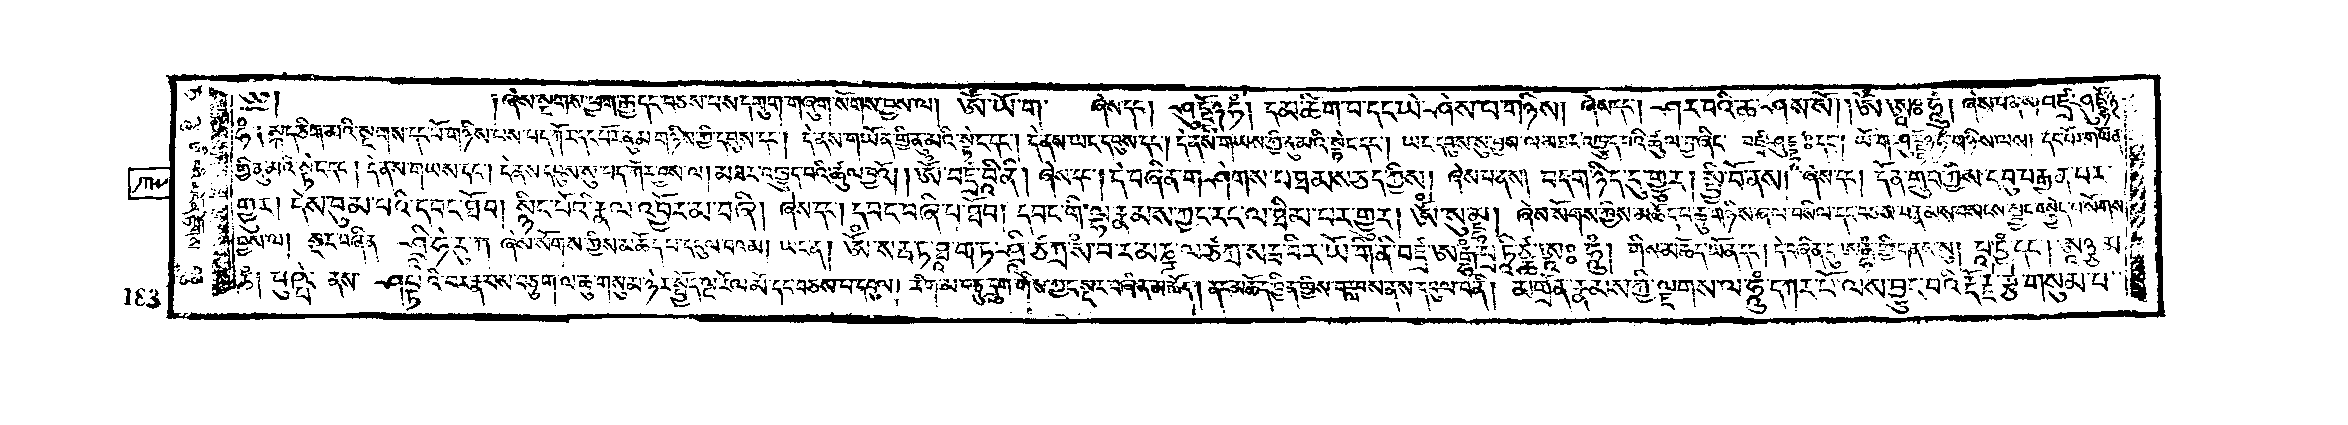༄༅། ། ཞེས་སྔགས་ཕྱག་རྒྱ་དང་བཅས་པས་དགུག་གཞུག་སོགས་བྱས་ལ།  ཨོཾ་ཡོ་ག་ཞེས་དང་།  ཤུདྡྷོཉྷཾ། དམ་ཚིག་པ་དང་ཡེ་ཤེས་པ་གཉིས། ཞེས་དང་།  ཤར་བའི་ཆ་ཤས་སོ། །ཨོཾ་ཨཱཿ ཧཱུཾ། ཞེས་པ་ནས།  བཛྲ་ཤུདྡྷོཉ་
ཧཾ། སྐད་ཅིག་མའི་སྔགས་དང་པོ་གཉིས་པས་པད་ཀོར་དང་པོར་ནུམ་གཉིས་ཀྱི་དབུས་དང་། དེ་ནས་གཡོན་གྱི་ནུ་མའི་སྟེང་དང་། དེ་ནས་ཡང་དབུས་དང་། དེ་ནས་གཡས་ཀྱི་ནུ་མའི་སྟེང་དང་། ཡང་དབུས་སུ་བྱས་ལ་མཐར་འཁྱུད་པའི་ཚུལ་བྱ་ཞིང་། བཛྲ་ཤུདྡྷཱཿ དང་། ཡོ་ག་ཤུདྡྷོཉྷཾ་གཉིས་ལས། དང་པོར་གཡོན་
གྱི་ནུ་མའི་སྟེང་དང་། དེ་ནས་གཡས་དང་། དེ་ནས་དབུས་སུ་པད་ཀོར་བྱས་ལ། མཐར་འཁྱུད་པའི་ཚུལ་བྱའོ། །ཨོཾ་བཛྲ་བཱི་ནི། ཞེས་དང་།  དེ་བཞིན་གཤེགས་པ་ཐམས་ཅད་ཀྱིས། ཞེས་པ་ནས།  བདག་ཉིད་དུ་གྱུར། སྤྱི་བོ་ནས། ཞེས་དང་།  དོན་གྲུབ་ཀྱིས་དབུ་བརྒྱན་པར་
གྱུར། དེས་བུམ་པའི་དབང་ཐོབ། སྙིང་པོའི་རྣལ་འབྱོར་མ་བཞི། ཞེས་དང་།  དབང་བཞི་པ་ཐོབ། དབང་གི་ལྷ་རྣམས་ཀྱང་རང་ལ་ཐིམ་པར་གྱུར། ཨོཾ་སུམྦྷ། ?་ཞེས་སོགས་ཀྱིས་མཆོད་པ་ཆུ་གཉིས་ཞལ་བསིལ་དང་བཅས་པ་རྣམས་བསངས་སྦྱང་བསྐྱེད་པ་སོགས་
བྱས་ལ། སྔར་བཞིན། ཤྲཱི་ཧེ་རུ་ཀ་ཞེས་སོགས་ཀྱིས་མཆོད་པ་དབུལ་བའམ། ཡང་ན།  ཨོཾ་སརྦ་ཏ་ཐཱ་ག་ཏ་ཤྲཱི་ཙཀྲ་སཾ་བ་ར་མཎྜལ་ལ་ཙཀྲ་སརྦ་བི་ར་ཡོ་གི་ནི་བཛྲ་ཨཧཾ་པྲ་ཏཱི་ཙྪ་ཨཱཿ ཧཱུཾ། གིས་མཆོད་ཡོན་དང་། དེ་བཞིན་དུ་ཨརྒྷཾ་གྱི་གནས་སུ།  པཱ་དྱཾ་དང་། ཨཱཉྩ་མ་
ཎཾ། པུཥྤེ་ནས་ཤཔྟའི་བར་རྣམས་བཅུག་ལ་ཆུ་གསུམ་ཉེར་སྤྱོད་ལྔ་རོལ་མོ་དང་བཅས་པ་དབུལ། རིག་མ་བཅུ་དྲུག་གིས་ཀྱང་སྔར་བཞིན་མཆོད། ནང་མཆོད་བྱིན་གྱིས་བརླབས་ནས་དབུལ་བ་ནི།  མགྲོན་རྣམས་ཀྱི་ལྗགས་ལ་ཧཱུཾ་དཀར་པོ་ལས་བྱུང་བའི་རྡོ་རྗེ་རྩེ་གསུམ་པ་